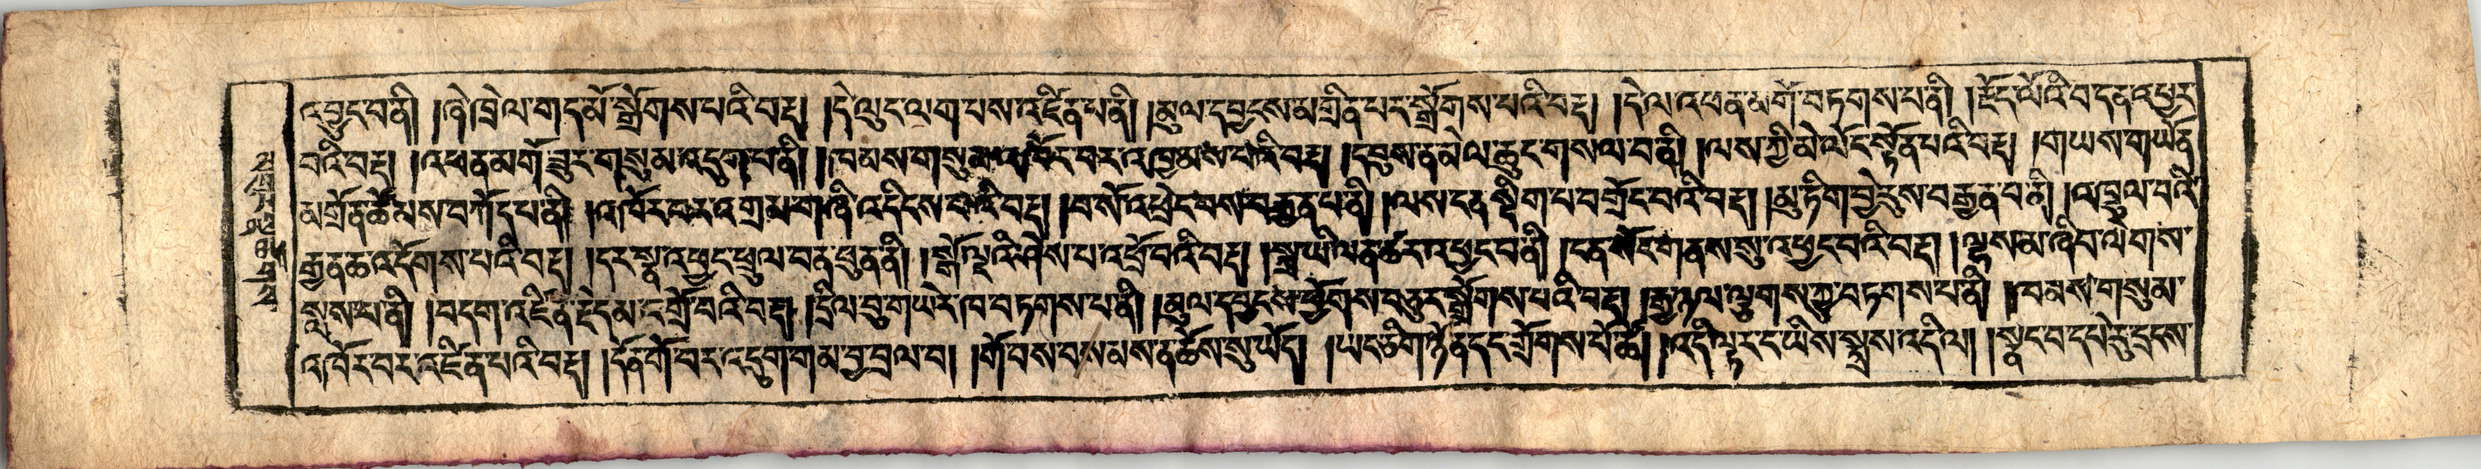འབྱུང་བ་ནི། །ཞེ་ཁྲེལ་གད་མོ་སྒྲོགས་པའི་བརྡ། །དེ་ལུང་ལག་པས་འཛིན་པ་ནི། །མུལ་དབྱངས་མགྲིན་པར་སྒྲོགས་པའི་བརྡ། །དེ་ལ་འཕན་མགོ་བཏགས་པ་ནི། །རྔོད་ལོའི་བ་དན་འཕྱུར་
བའི་བརྡ། །འཕན་མགོ་ཟུར་གསུམ་འདུག་པ་ནི། །ཁམས་གསུམ་འཁོར་བར་འཁྱམས་པའི་བརྡ། །དབུས་ན་མེལ་ཆུང་གསལ་བ་ནི། །ལས་ཀྱི་མེ་ལོང་སྟོན་པའི་བརྡ། །གཡས་གཡོན་
མགྲོན་ཚོམས་བཀོད་པ་ནི། །འཁོར་ཁར་འགྲམ་གཞི་འདིངས་པའི་བརྡ། །བ་སོ་འཕྲེང་བས་བརྒྱན་པ་ནི། །ལས་ངན་སྡིག་པ་བགྲོང་བའི་བརྡ། །མུ་ཏིག་བྱེ་རུས་བརྒྱན་པ་ནི། །འཁྲུལ་བའི་
རྒྱན་ཆ་འདོགས་པའི་བརྡ། །དར་སྣ་འཕྱང་ཕྲུལ་བན་ཕུན་ནི། །སྒོ་ལྔའི་ཤེས་པ་འཕྲོ་བའི་བརྡ། །སྐྲ་ལ་ལན་ཚར་འཕྱང་བ་ནི། །ངན་སོང་གནས་སུ་འཕྱང་བའི་བརྡ། །ལྷས་མ་ཞིབ་ལེགས་
སླས་པ་ནི། །བདག་འཛིན་ཇེ་དམ་འགྲོ་བའི་བརྡ། །དྲིལ་བུ་གཡར་ཁ་བཏགས་པ་ནི། །མུལ་དབྱངས་ཕྱོགས་བཅུར་སྒྲོགས་པའི་བརྡ། །རྒྱ་ཉལ་ལྕགས་ཀྱུ་བཏགས་པ་ནི། །ཁམས་གསུམ་
འཁོར་བར་འཛིན་པའི་བརྡ། །དོན་གོ་བར་འདུག་གམ་བྱ་བྲལ་བ། །གོ་བས་བསམས་ན་ཆོས་སུ་ཡོད། །ཡང་ཅིག་ཉོན་དང་གྲོགས་པོ་ཚོ། །འདི་ལྟར་ང་ཡིས་སྨྲས་འདི་ལ། །སྣང་བ་དཔེ་རུ་དྲངས་